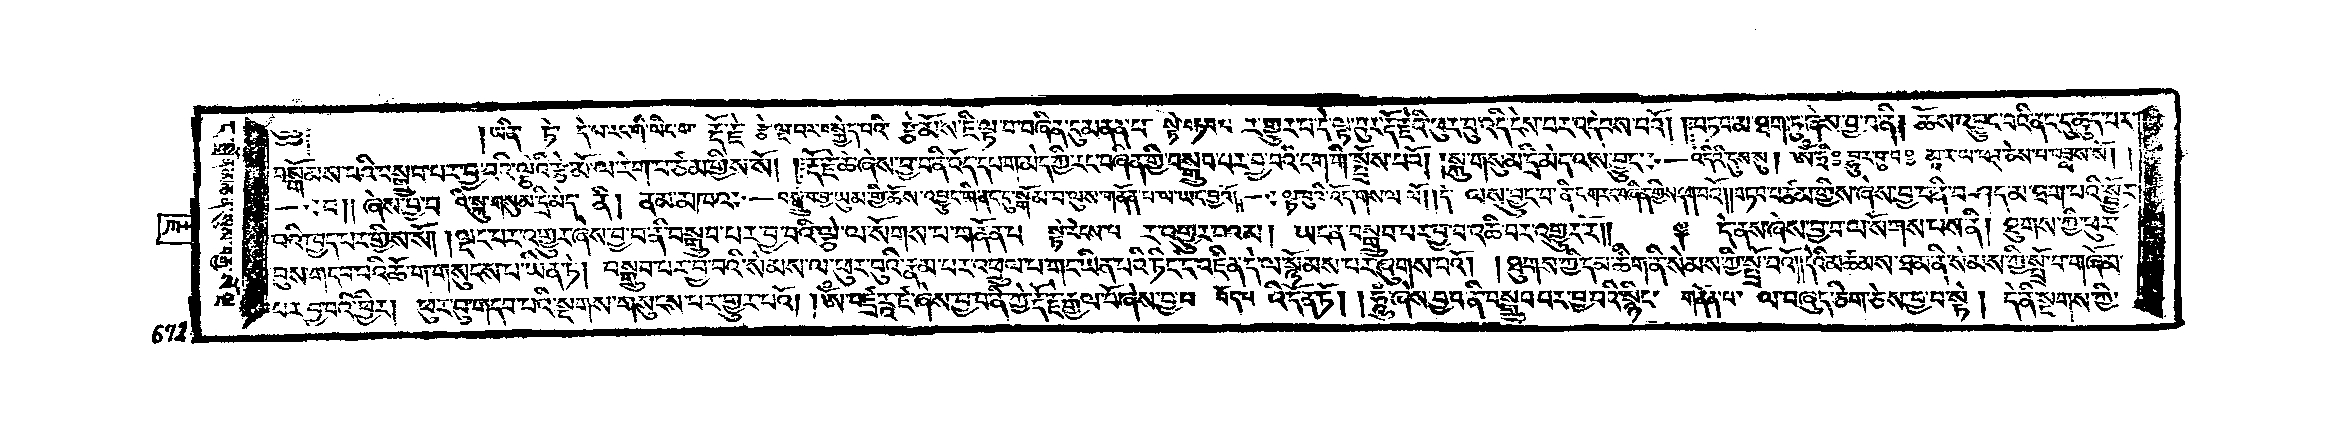༄༅། །ཡིན་ཏེ་དེ་ལ་རང་གི་ལོང?་ག་རྡོ་རྗེ་རྩེ་ལྔ་པར་བསྐྱེད་པའི་རྩ?་མོས་ཇི་ལྟ་བ་བཞིན་དུ་མནན་པ་སྟེ་བཏབ་པར་གྱུར་པ་དེ་ལྟ་བུར་རྡོ་རྗེའི་ཕུར་བུ་འདི་ངེས་པར་འདེབས་པའོ། །བཏབ་མ་ཐག་ཏུ་ཞེས་བྱ་བ་ནི། ཆོས་འབྱུང་བའི་ནང་དུ་ཆུད་པར་
བསྒོམས་པའི་བསྒྲུབ་པར་བྱ་བའི་ལྕེའི་རྩེ་མོ་ལ་རེག་པ་ཙམ་གྱིས་སོ། །རྡོ་རྗེ་ཆེ་ཞེས་བྱ་བ་ནི་འོད་དཔག་མེད་ཀྱི་རང་བཞིན་གྱི་བསྒྲུབ་པར་བྱ་བའི་ངག་གི་སྤྲོས་པའོ། །སྐུ་གསུམ་དྲི་མེད་ལ་བྱུངཿ་འདིའི་དུས་སུ། ཨོཾ་ཧྲིཿབྷུར་བུ་བཿ མཱ་ར་ཡ་ཕཊ་ཅེས་པ་བཟླས་སོ། །
.Hབ། །ཞེས་བྱ་བའི་སྐུ་གསུམ་དྲི་མེད་ནི། ནམ་མཁའཿ་བསྒྲུབ་བྱ་ཡུམ་གྱི་ཆོས་འབྱུང་གི་ནང་དུ་སྒོམ་པ་ལུས་གནོན་པ་ལ་ཡང་བྱའོ།། .Hལྟ་བུའི་འོད་གསལ་ལོ། །དེ་ལས་བྱུང་བ་ནི་ངག་རང་བཞིན་གྱིས་དག་པའོ། ། བཏབ་པ་ཙམ་གྱིས་ཞེས་བྱ་བ་ནི་བཤད་མ་ཐག་པའི་སྦྱོར་
བའི་ཁྱད་པར་གྱིས་སོ། །ལྡང་པར་འགྱུར་ཞེས་བྱ་བ་ནི་བསྒྲུབ་པར་བྱ་བའི་ལྕེ་ལ་སོགས་པ་གནོན་པ་སྟེ་རིངས?་པར་འགྱུར་བའམ། ཡང་ན་བསྒྲུབ་པར་བྱ་བ་འཆི་བར་འགྱུར་རོ།། ༈ དེ་ནས་ཞེས་བྱ་བ་ལ་སོགས་པས་ནི། ཐུགས་ཀྱི་ཕུར་
བུས་གདབ་པའི་ཆོ་ག་གསུངས་པ་ཡིན་ཏེ། བསྒྲུབ་པར་བྱ་བའི་སེམས་ལ་ཕུར་བུའི་རྣམ་པར་འཕྲུལ་པ་གང་ཡིན་པའི་ཏིང་ངེ་འཛིན་དེ་ལ་སྙོམས་པར་ཞུགས་པའོ། །ཐུགས་ཀྱི་དམ་ཚིག་ནི་སེམས་ཀྱི་སྤྲོ་བའོ། །དེའི་མཚམས་ཐ་མ་ནི་སེམས་ཀྱི་སྤྲོ་བ་གཞོམ་
པར་བྱ་བའི་ཕྱིར། ཕུར་བུ་གདབ་པའི་སྔགས་གསུངས་པར་གྱུར་པའོ། །ཨོཾ་བཛྲ་རཱ་ཛ་ཞེས་བྱ་བ་ནི་ཀྱེ་རྡོ་རྗེ་རྒྱལ་པོ་ཞེས་བྱ་བོད་པའི་དོན་ཏོ། །ཧཱུཾ་ཞེས་བྱ་བ་ནི་བསྒྲུབ་པར་བྱ་བའི་སྙིང་གནོན་པ་ལ་བཞུད་ཅིག་ཅེས་བྱ་བ་སྟེ། དེ་ནི་སྔགས་ཀྱི་